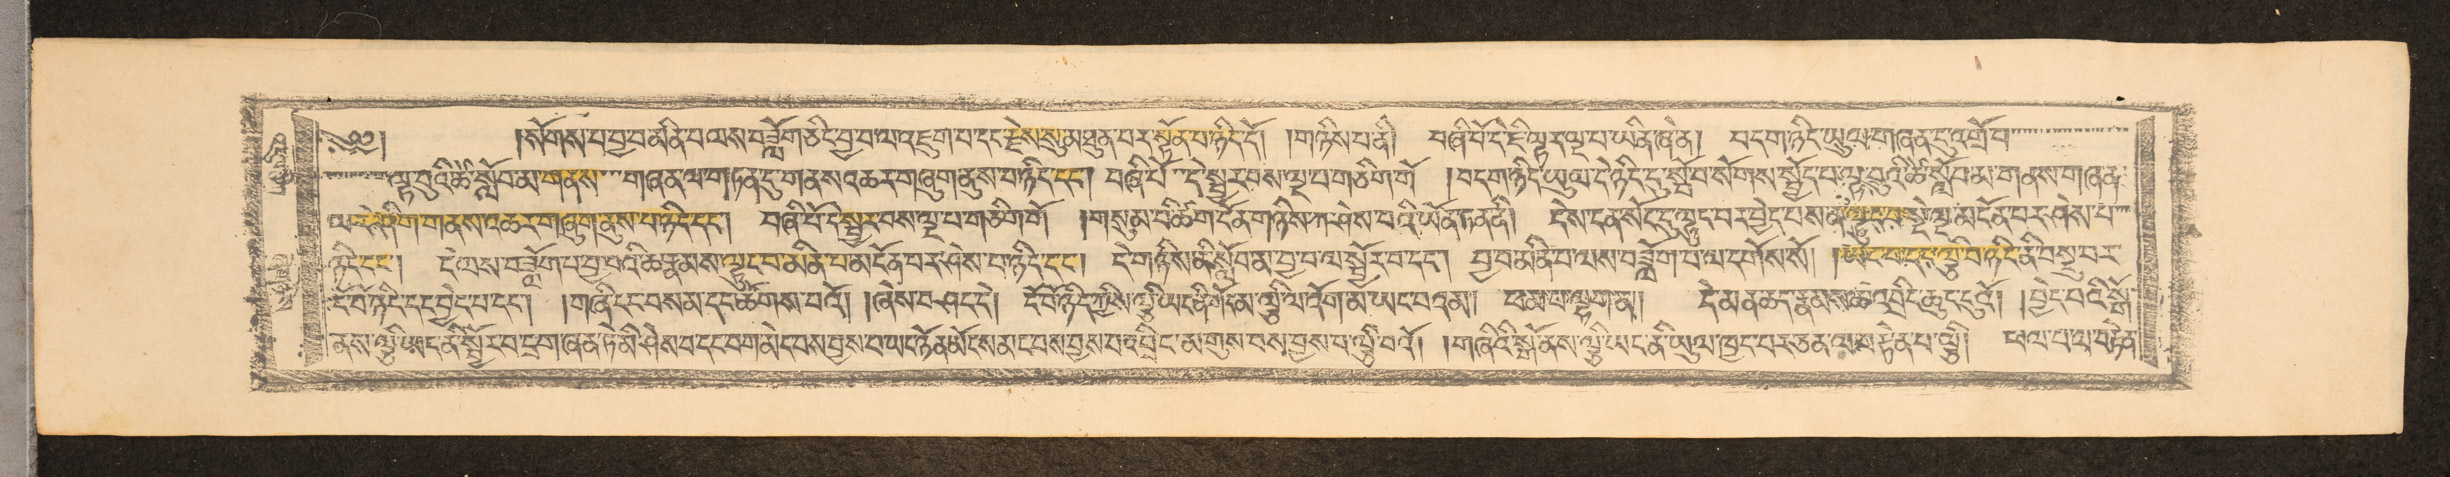༄༅། །སོགས་པ་བྱ་བ་མིན་པ་ལས་བཟློག་ཅིང་བྱ་བ་ལ་འཇུག་པ་དང་རྗེས་སུ་མཐུན་པར་སྟོན་པ་ཉིད་དོ། །གཉིས་པ་ནི། བཞི་པོ་དེ་ཇི་ལྟར་ལྔ་པ་ཡིན་ཞེ་ན། བདག་ཉིད་ཡུལ་གཞན་དུ་འགྲོ་བ་
ལྟ་བུའི་ཚེ་སློབ་མ་གནས་གཞན་ལ་གཏན་དུ་གནས་འཆར་གཞུག་ནུས་པ་ཉིད་དང་། བཞི་པོ་དེ་སྦྱར་བས་ལྔ་པ་གཅིག་གོ །བདག་ཉིད་ཡུལ་དེ་ཉིད་དུ་སྦོ་བ་སོགས་སྦྱོད་པ་ལྟ་བུའི་ཚེ་སློབ་མ་གནས་གཞན་
ལ་རེ་ཤིག་གནས་འཆར་གཞུག་ནུས་པ་ཉིད་དང་། བཞི་པོ་དེ་སྦྱར་བས་ལྔ་པ་གཅིག་གོ །གསུམ་པ་ཚིག་དོན་གཉིས་ཀ་ཤེས་པའི་ཡོན་ཏན་ནི། དེས་ངན་སོང་དུ་ལྟུང་པར་བྱེད་པས་ན་ལྟུང་བ་སྡེ་ལྔ་མངོན་པར་ཤེས་པ་
ཉིད་དང་། དེ་ལས་བཟློག་པ་བྱ་བའི་ཆ་རྣམས་ལྟུང་བ་མིན་པ་མངོན་པར་ཤེས་པ་ཉིད་དང་། དེ་གཉིས་ནི་སློབ་མ་བྱ་བ་ལ་སྦྱོར་བ་དང་། བྱ་བ་མིན་པ་ལས་བཟློག་པ་ལ་དགོས་སོ། །ཡང་བ་དང་ལྕི་བ་ཉིད་ནི་བསྡུ་བར་
ངོ་བོ་ཉིད་དང་བྱེད་པ་དང་། །གཞི་དང་བསམ་དང་ཚོགས་པའོ། །ཞེས་བཤད་དེ། ངོ་བོ་ཉིད་ཀྱིས་ལྕི་ཡང་ནི་གདོམ་ལྕི་ལ་འོག་མ་ཡང་པའམ། ཕམ་པ་ལྷག་མ། དེ་མན་ཆད་རྣམས་ཆེ་འབྲིང་ཆུང་ངུའོ། །བྱེད་པའི་སྒོ་
ནས་ལྕི་ཡང་ནི་སྦྱོར་བ་དྲག་ཞན་ཏེ་མི་ཤེས་པ་དང་བག་མེད་པས་བྱས་པ་ཡང་ཉོན་མོངས་མང་བས་བྱས་པ་འབྲིང་མ་གུས་པས་བྱས་པ་ལྕི་བའོ། །གཞིའི་སྒོ་ནས་ལྕི་ཡང་ནི་ཡུལ་ཁྱད་པར་ཅན་ལ་བརྟེན་པ་ལྕི། ཕལ་པ་ལ་བརྟེན་